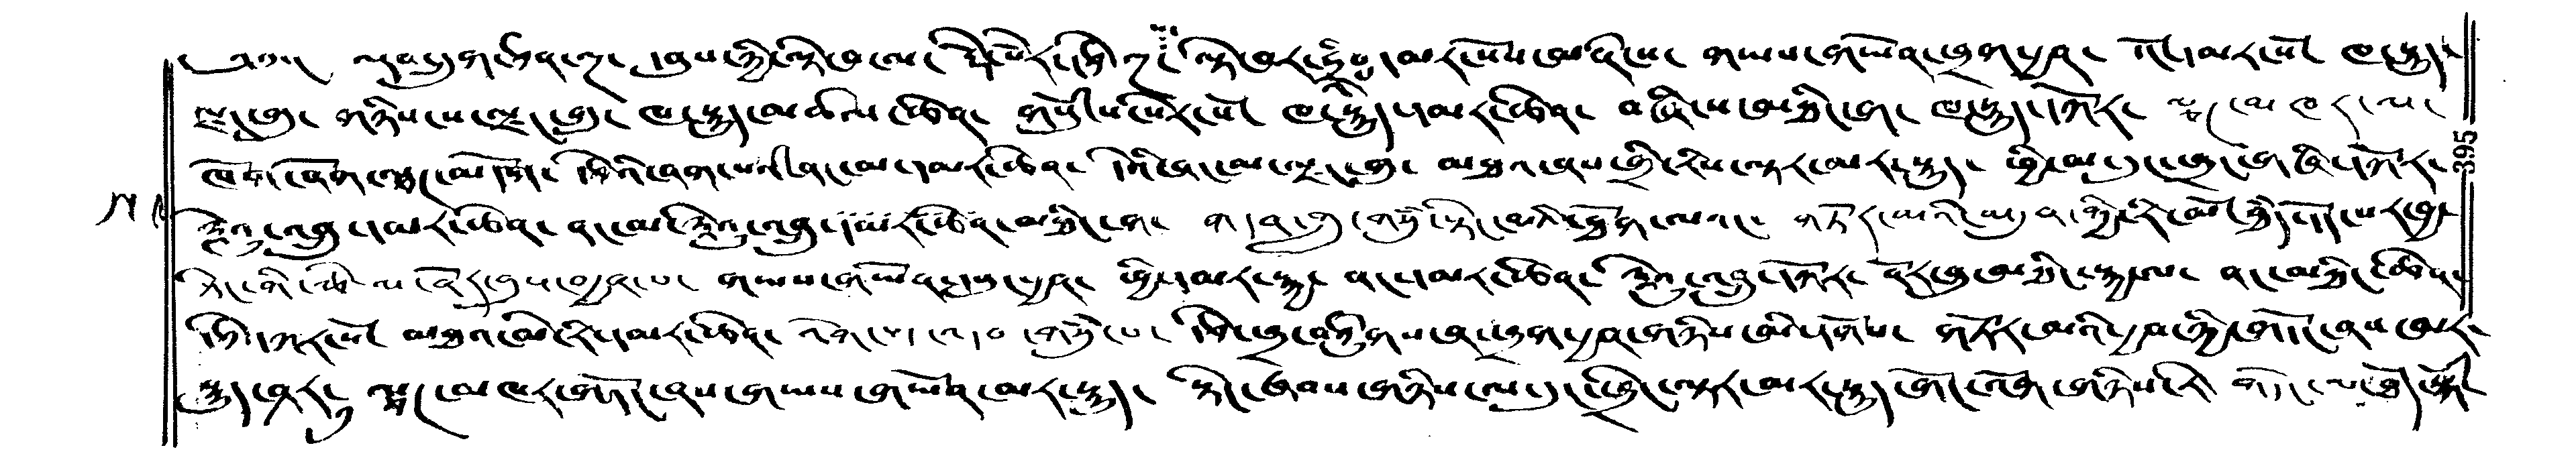འདབ་དྲུག་ཅན་ལྔ། དབུས་ཀྱི་ལྟེ་བ་ལ། རྡོ་རྗེ་སེར་པོ་རྩེ་ལྔ་པ། ལྟེ་བར་ཧྲཱིཿདམར་པོས་མཚན་པ། གཡས་གཡོན་ཕྲག་རྒྱན། དང་པོ་དམར་པོ། ཁ་སྐུད་
ལྗང་གུ། གཉིས་པ་ལྗང་གུ། ཁ་སྐུད་མཚལ་ཆེན། གསུམ་པ་སེར་པོ། ཁ་སྐུད་དམར་ཆེན། བཞི་པ་མཐིང་ག ཁ་སྐུད་དཀར་པོ། ལྕགས་མཁར་ལ། 
ཁོག་ནག་པོ་ལྕགས་མདོག རྩེའི་ནག་པོའི་ནང་མ་དམར་ཆེན། དེའི་ནང་མ་ལྗང་གུ། མཐའ་ནས་གྲི་རིས་ལྟར་མར་སྐུད། ཕྱི་མ་དུང་ཕྲེང་གཞི་དཀར་པོ། 
ཟེའུ་འབྲུ་དམར་ཆེན། ནང་མ་ཟེའུ་འབྲུ་མཐིང་ག གདན་གྲུ་གསུམ་སྟེང་མའི་ཐོག་ལའང་། གཏོར་མའི་མདུན་གྱི་རི་མོ་ཐམས་ཅད་དོད་པར་བྱ། 
སྟེང་གི་རྩེ་ལ་ནོར་བུས་བརྒྱན་པ། གཡས་གཡོན་དཔུང་རྒྱན། ཕྱི་དམར་སྐྱ། ནང་དམར་ཆེན། ཟེའུ་འབྲུ་དཀར་པོ། ནོར་བུ་མཐིང་སྐྱ་ལ། ནང་མཐིང་ཆེན། 
རྩེ་དཀར་པོ། མཐའ་མེ་རི་དམར་ཆེན། འོག་པད་འདབ་གསུམ་པ། རྩེ་ཁྲ་བཙུགས་ན་ཕྲག་རྒྱན་གཉིས་མི་དགོས། གཏོར་མའི་རྒྱབ་ཀྱི་གདོང་ནས་མར་
སྐུད་ཤར་གཅིག ལྕགས་མཁར་གདོང་ནས་གཡས་གཡོན་མར་སྐུད། སྟེང་ཞབས་གཉིས་ལ་དུང་ཕྲེང་ལྟར་མར་སྐུད་གོང་འོག་གཉིས་རེ། གདོང་ལ་ཐོད་སྐམ་